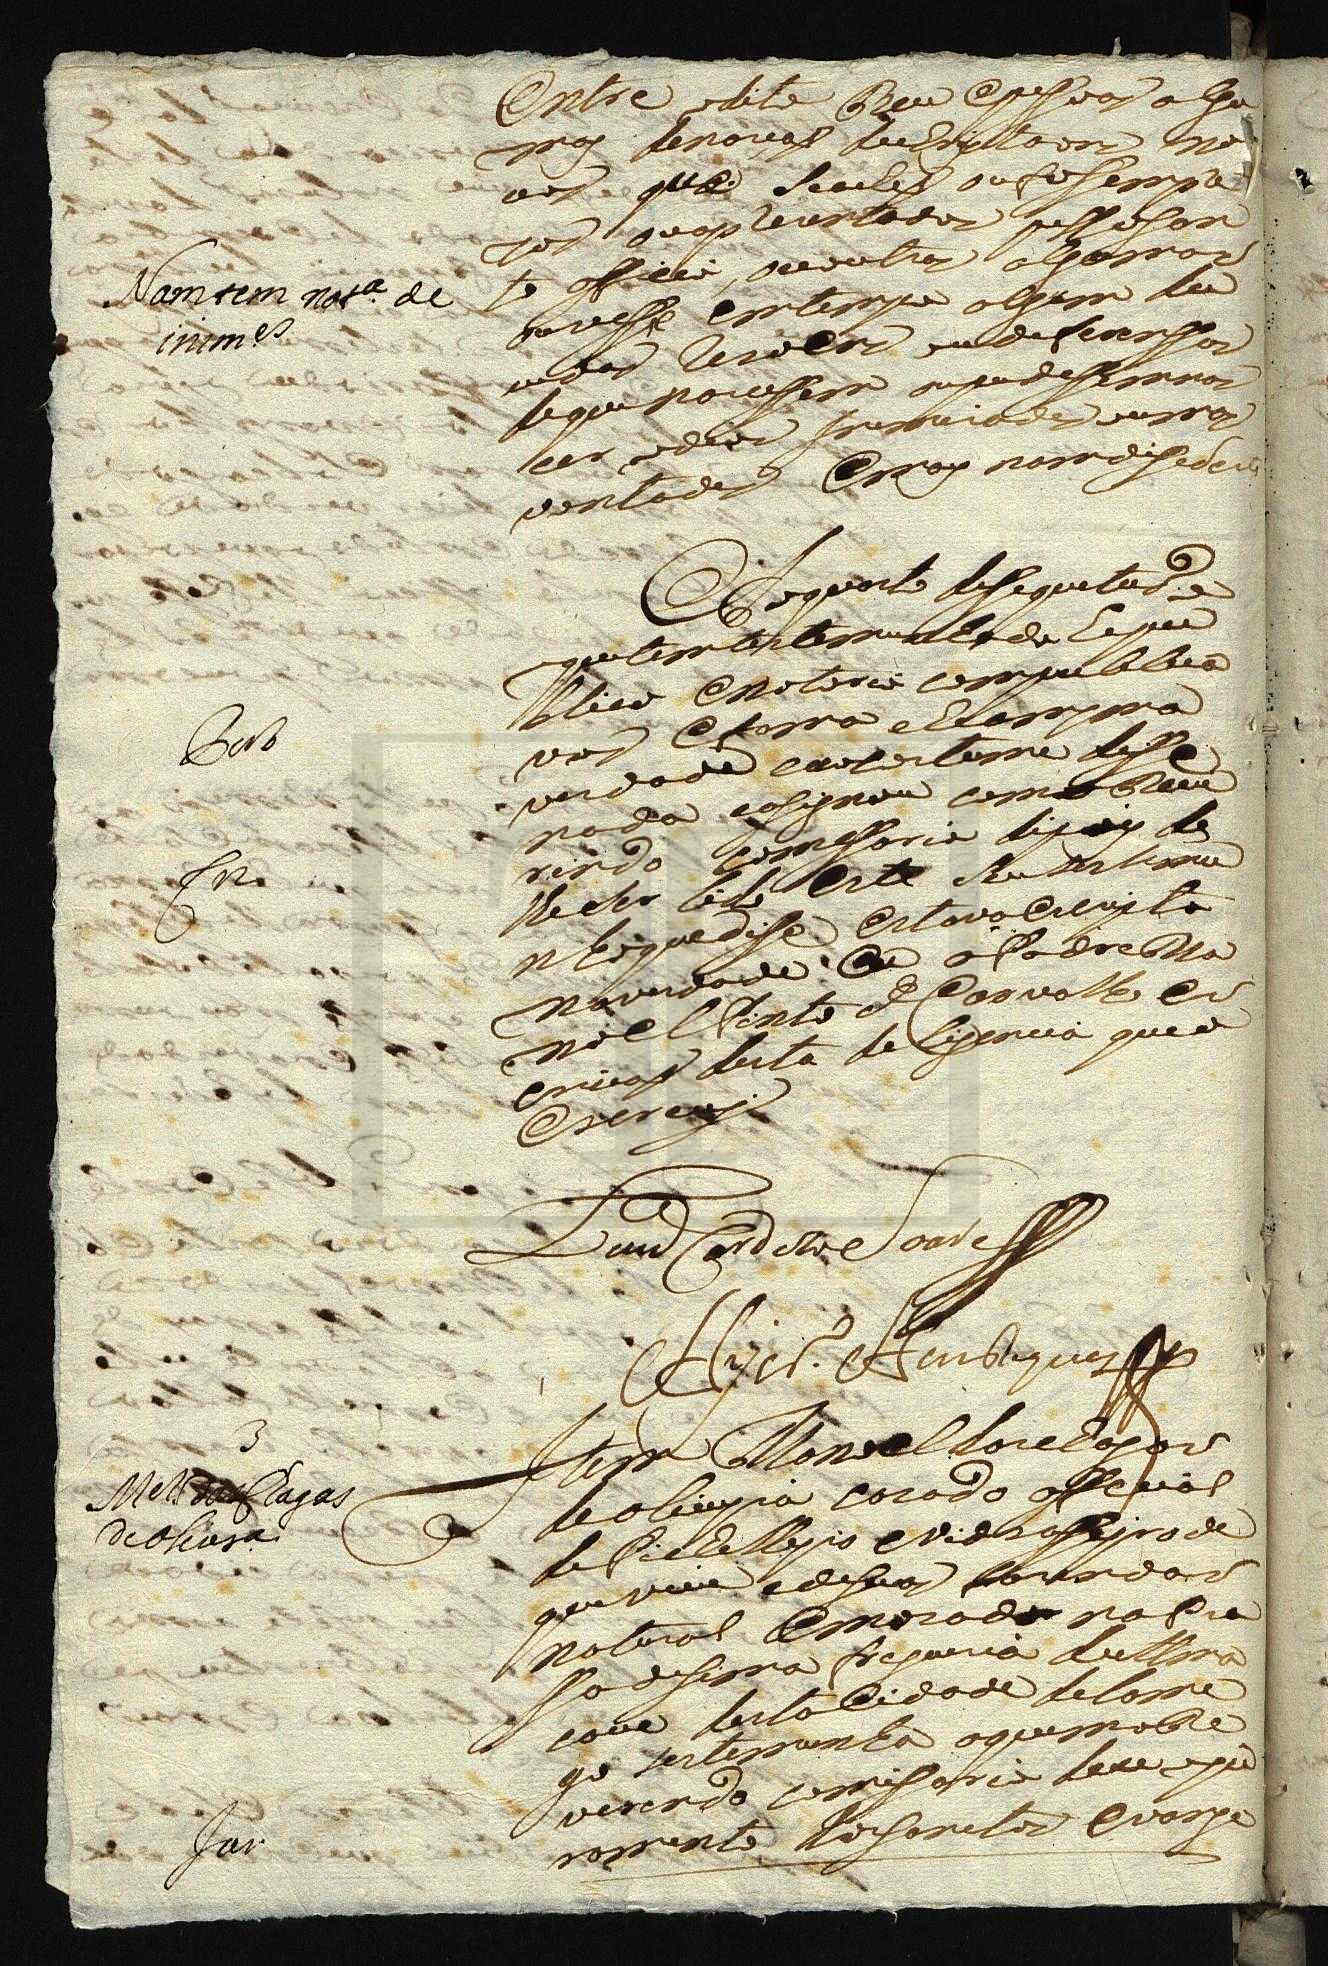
Nam tem not.a de
inim.es
Pub
Cn.
3
Mell das Chagas
de olivr.a
Jur
entre o dito Reu e pessoas algu
mas de naçaõ de christaons no
uos que se achaõ ou fossem pre
zos ou aprezentados pello san
to officio, ou outras algumas
ouvesse em tempo algum du
uidas Rezoens ou deferenssas
de que nascessem ou pudessem nas
cer odeos Jnemizades ou mas
vontades e mais nam disse deste
Ao quarto disse que tudo
que tem testemunhado he pu
blico e notorio com publica
voz e forma e he a mesma
verdade e ao costume disse
nada e asignou com o Reue
rendo comessario dipois de
lhe ser lido este seu testemu
nho que dise estava escripto
na verdade eu o Padre Ma
noel Pinto de Carvalho es
criuaõ desta deligencia que o
escreuj
Luiz Cardozo Soares
Hyer.o Henriques
Jtem Manoel das Chagas
de oliueyra cazado offecial
de Pichelleyro e vidrassejro de
que viue e de suas
Rendas
natural e morador na Pra
ssa de sima freguezia de Alma
caue desta cidade de Lame
go testemunha a quem o Re
verendo comisario deu o ju
ramento dos sanctos Evange
